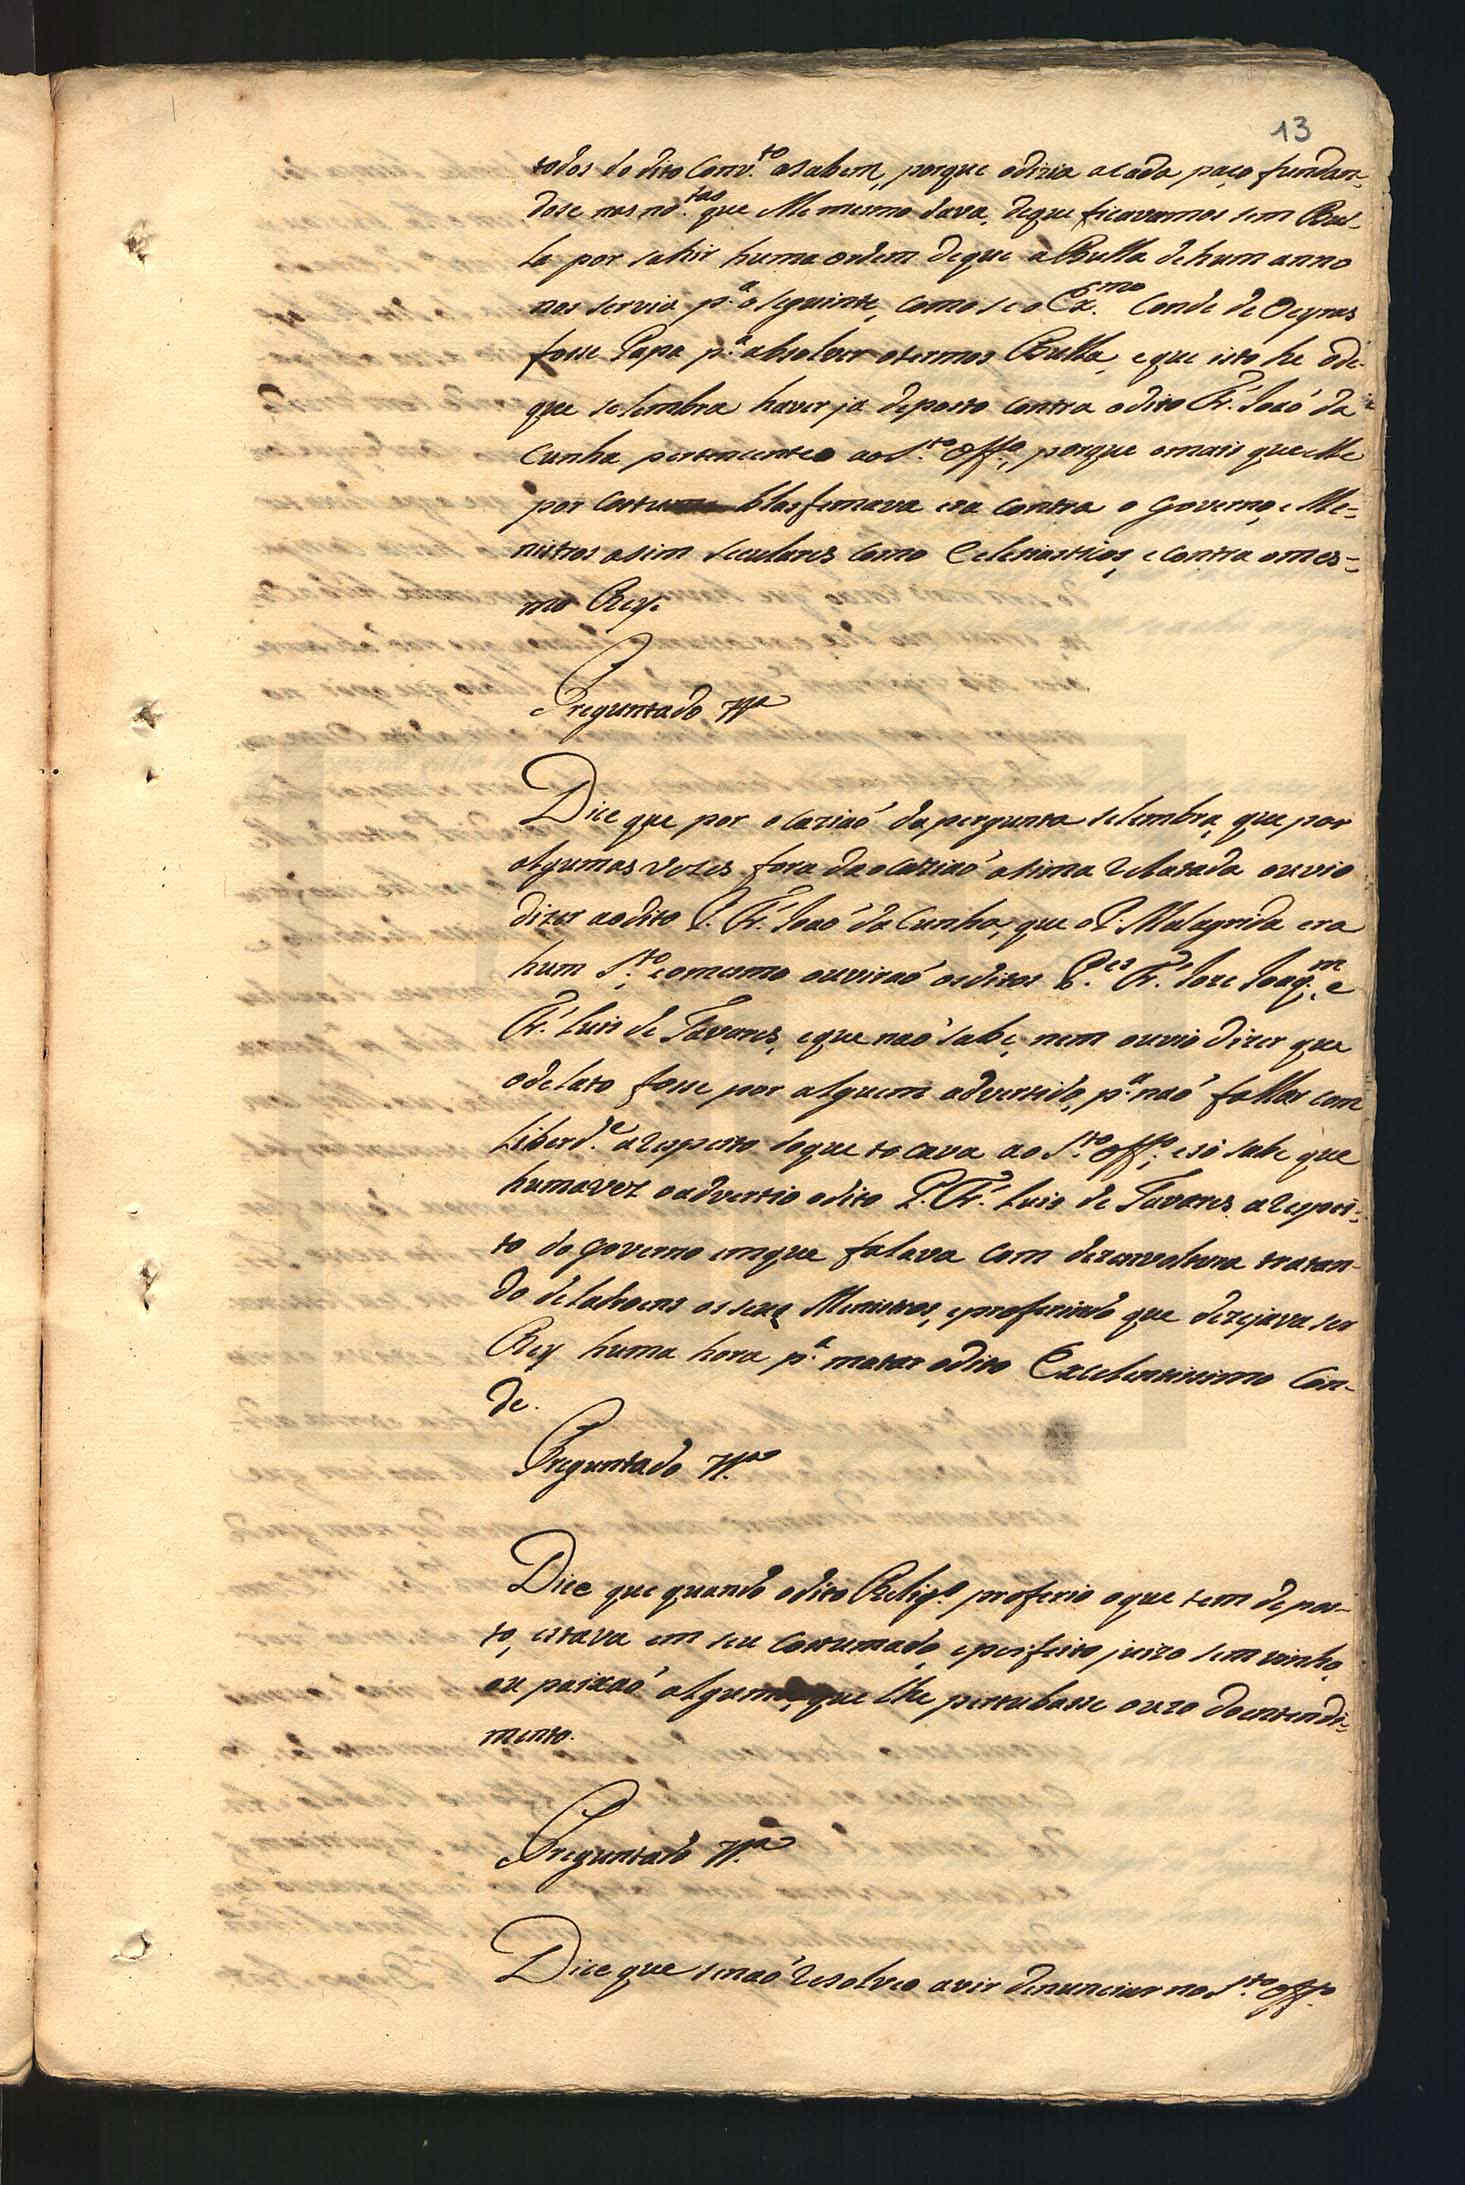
todos do dito conv.to o sabem, porque o dizia a cada paço fundan
dose nas no.tas que elle mesmo dava, de que ficavamos sem Bul
la por sahir huma ordem de que a Bulla de hum anno
nos servia p.a o seguinte, como se o Ex.mo Conde de Oeyras
fosse Papa p.a absolver o termos Bulla, e que isto he o de
que se lembra haver ja deposto contra o dito Fr. Ioaõ da
Cunha pertencente ao S.to Off.o, porque o mais que elle
por costu_ blasfemava era contra o Governo, e Me
nistros asim seculares como Eclesiasticos, e contra o mes
mo Rey.
Preguntado tta
Dice que por ocaziaõ da pergunta se lembra, que por
algumas vezes fora da ocaziaõ asima Relatada ouvio
dizer ao dito P. Fr. Ioaõ da Cunha, que o P. Malagrida era
hum s;to e o mesmo ouviraõ os ditos P.es Fr. Ioze Ioaq.m e
Fr. Luis de Tavares, e que naõ sabe, nem ouvio dizer que
o delato fosse por alguem advertido p.a naõ fallar com
Liberd.e a respeito do que tocava ao s.to off.o; e só sabe que
huma vez o advertio o dito P. Fr. Luis de Tavares a respei
to do governo em que falava com dezenvoltura tratan
do de ladroens os seus Ministros, e proferindo que dezejava ser
Rey huma hora p.a matar o dito Excelentissimo Con
de.
Preguntado tt.a
Dice que quando o dito Relig.o proferio o que tem depos
to, estava em seu costumado, e perfeito juizo sem vinho,
ou paixaõ alguma, que lhe pertubasse o uzo do entendi
mento.
Preguntado tt.a
Dice que se não resolveo a vir denunciar no s.to Off.o
